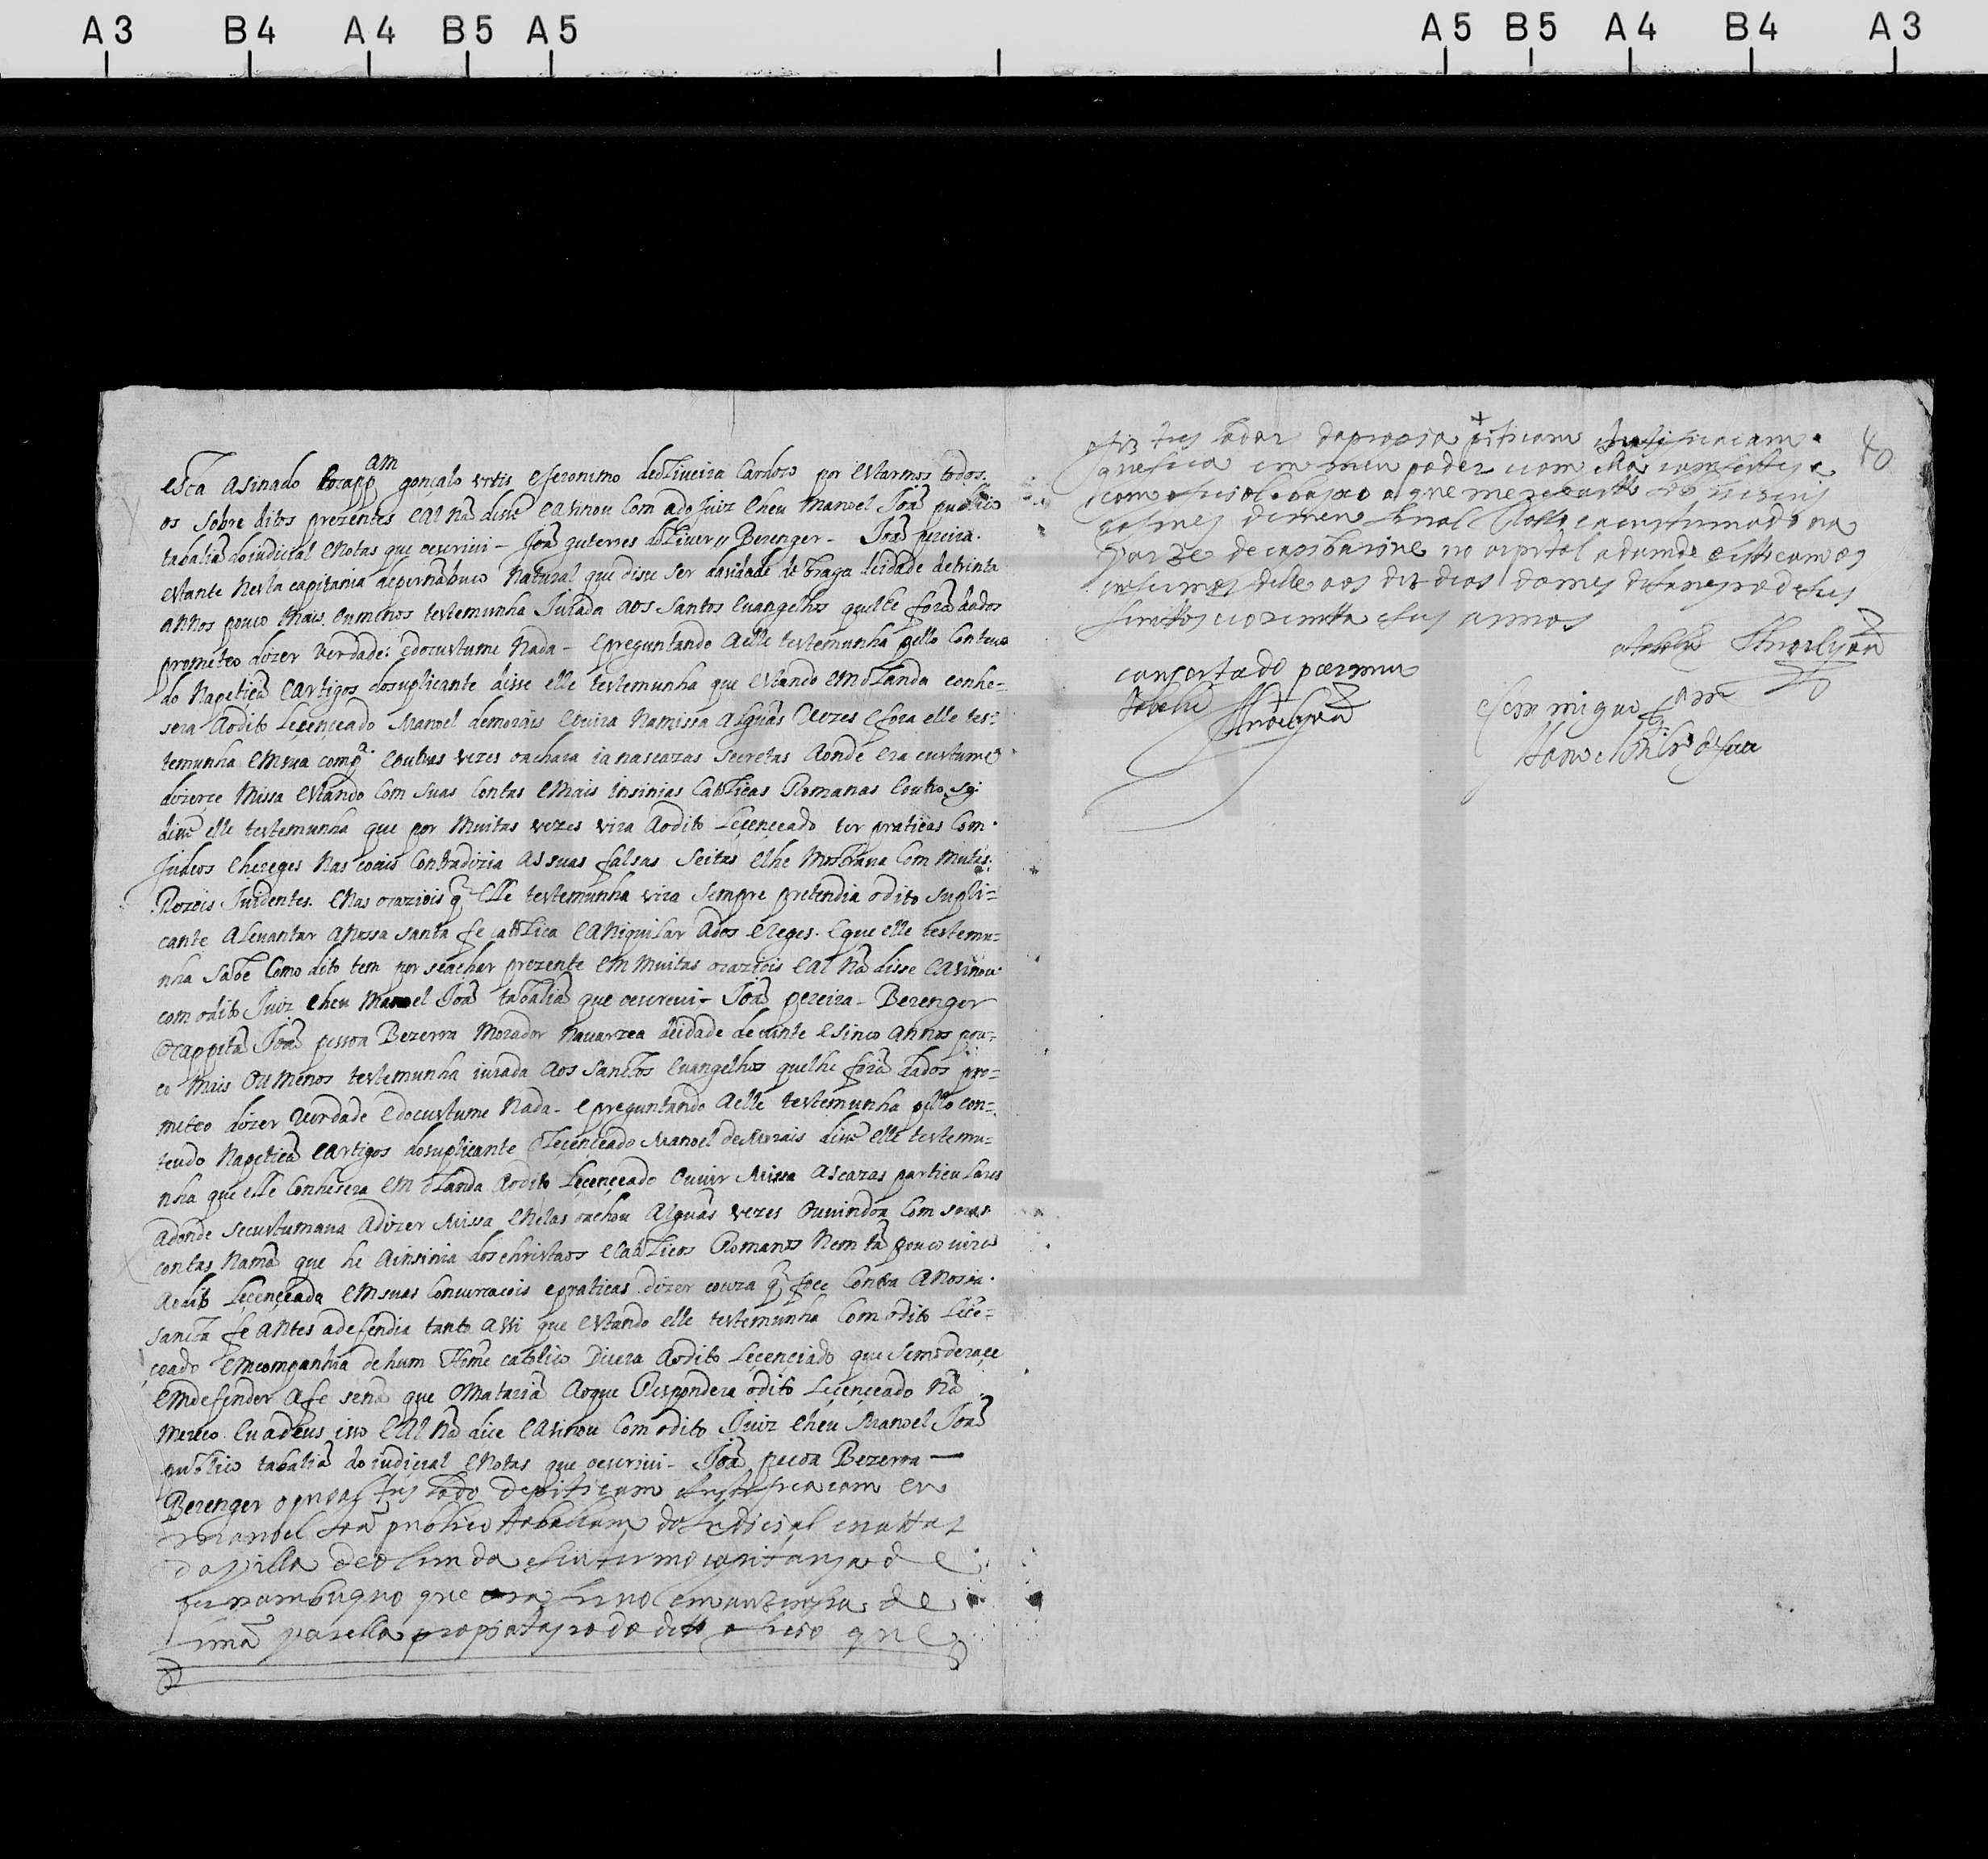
esta asinado do cappam gonçalo vrtis e Jeronimo de oliueira Cardozo por estarmos todos
os sobreditos prezentes e al naõ disse e asinou com a do Juiz e heu manoel Ioaõ publico
tabaliaõ do iudicial e notas que o escriui - João guterres doliuer // Berenger. Ioaõ pereira.
estante nesta capitania de pernābuco natural que disse ser da cidade de braga de idade de trinta
annos pouco mais ou menos testemunha Iurada aos Santos euangelhos que lhe foraõ dados
prometeo dizer verdade: e do custume nada = e preguntando a elle testemunha pello Conteu
do na petiçaõ e artigos do suplicante disse elle testemunha que estando em olanda conhe
sera ao dito Lecenceado Manoel de morais e o uira na missa alguãs vezes e fora elle tes
temunha em sua compa. e outras vezes o achara ia nas cazas secretas aonde era custume
dizerce missa estando com suas contas e mais insinias Catolicas Romanas e outrosy
disse elle testemunha que por muitas vezes vira ao dito Lecenceado ter praticas com
Judeos e hereges nas coais contradizia as suas falsas seitas e lhe mostraua com mutas
Rezois Iuidentes e nas ocaziois q̄ elle testemunha vira sempre pretendia o dito supli
cante aleuantar a nossa santa fe catolica e aniquilar a dos ereges. E que elle testemu
nha sabe como dito tem por se achar prezente em muitas ocaziois e al naõ disse e asinou
com o dito Iuiz e heu manoel Ioaõ tabaliaõ que o escreui - Ioaõ pereira Berenger
O cappitaõ Ioaõ pessoa Bezerra morador na uarzea de idade de uinte e sinco annos pou
co mais ou menos testemunha iurada aos sanctos euangelhos que lhe foraõ dados pro
meteo dizer uerdade e do custume nada. e preguntando a elle testemunha pello con
teudo na petiçaõ e artigos do suplicante o Lecenceado Manoel de Morais disse elle testemu
nha que elle conhecera em olanda ao dito Lecenceado ouuir Missa as cazas particulares
adonde se custumaua a dizer Missa e nelas o achou alguãs vezes ouuindoa Com suas
contas na maõ que he a insinia dos christaos e catolicos Romanos nem tã pouco uira
ao dito Lecenceado em suas conuerçaçois e praticas dizer couza q̄ foce contra a nossa
sancta fe antes a defendia tanto assi que estando elle testemunha com o dito Lecē
ceado em companhia de hum Homē catolico Dicera ao dito Lecenciado que se moderace
em defender a fe senaõ que o matariaõ ao que Respondera o dito Lecenceado nã
mereço eu a deus isso E al nã dice e asinou com o dito Iuiz e heu Manoel Ioaõ
publico tabaliaõ do iudicial e notas que o escriui. Ioaõ peçoa Bezerra -
Berenger o qual treslado de pitiçam e Iustificacam eu
manoel Ioaõ publico tabaliam do Iudicial e nottas
da villa de olinda e seu termo capitanja de
pernambuquo que ora siruo em auzemsia de
Simã Varella propiatajro do ditto oficio que
o fiz tresladar da propia pitiçam, Justificaçam
que fica em meu poder e com ella comtestej a
com o oficial abajxo a que me reportto sobEscreuj
E asinej de meu sinal Rasso e acustumado na
Varze de capibariue no ospital adomde ditto com os
emfermos delle aos dez dias do mes de Ianejro de seis
senttos e coremta e seis annos
o tabeliã Manoel yoã
consertado por meu
tabeliã
Manoel yoã
e Commiguo tam
Manoel Ribro de Saa
